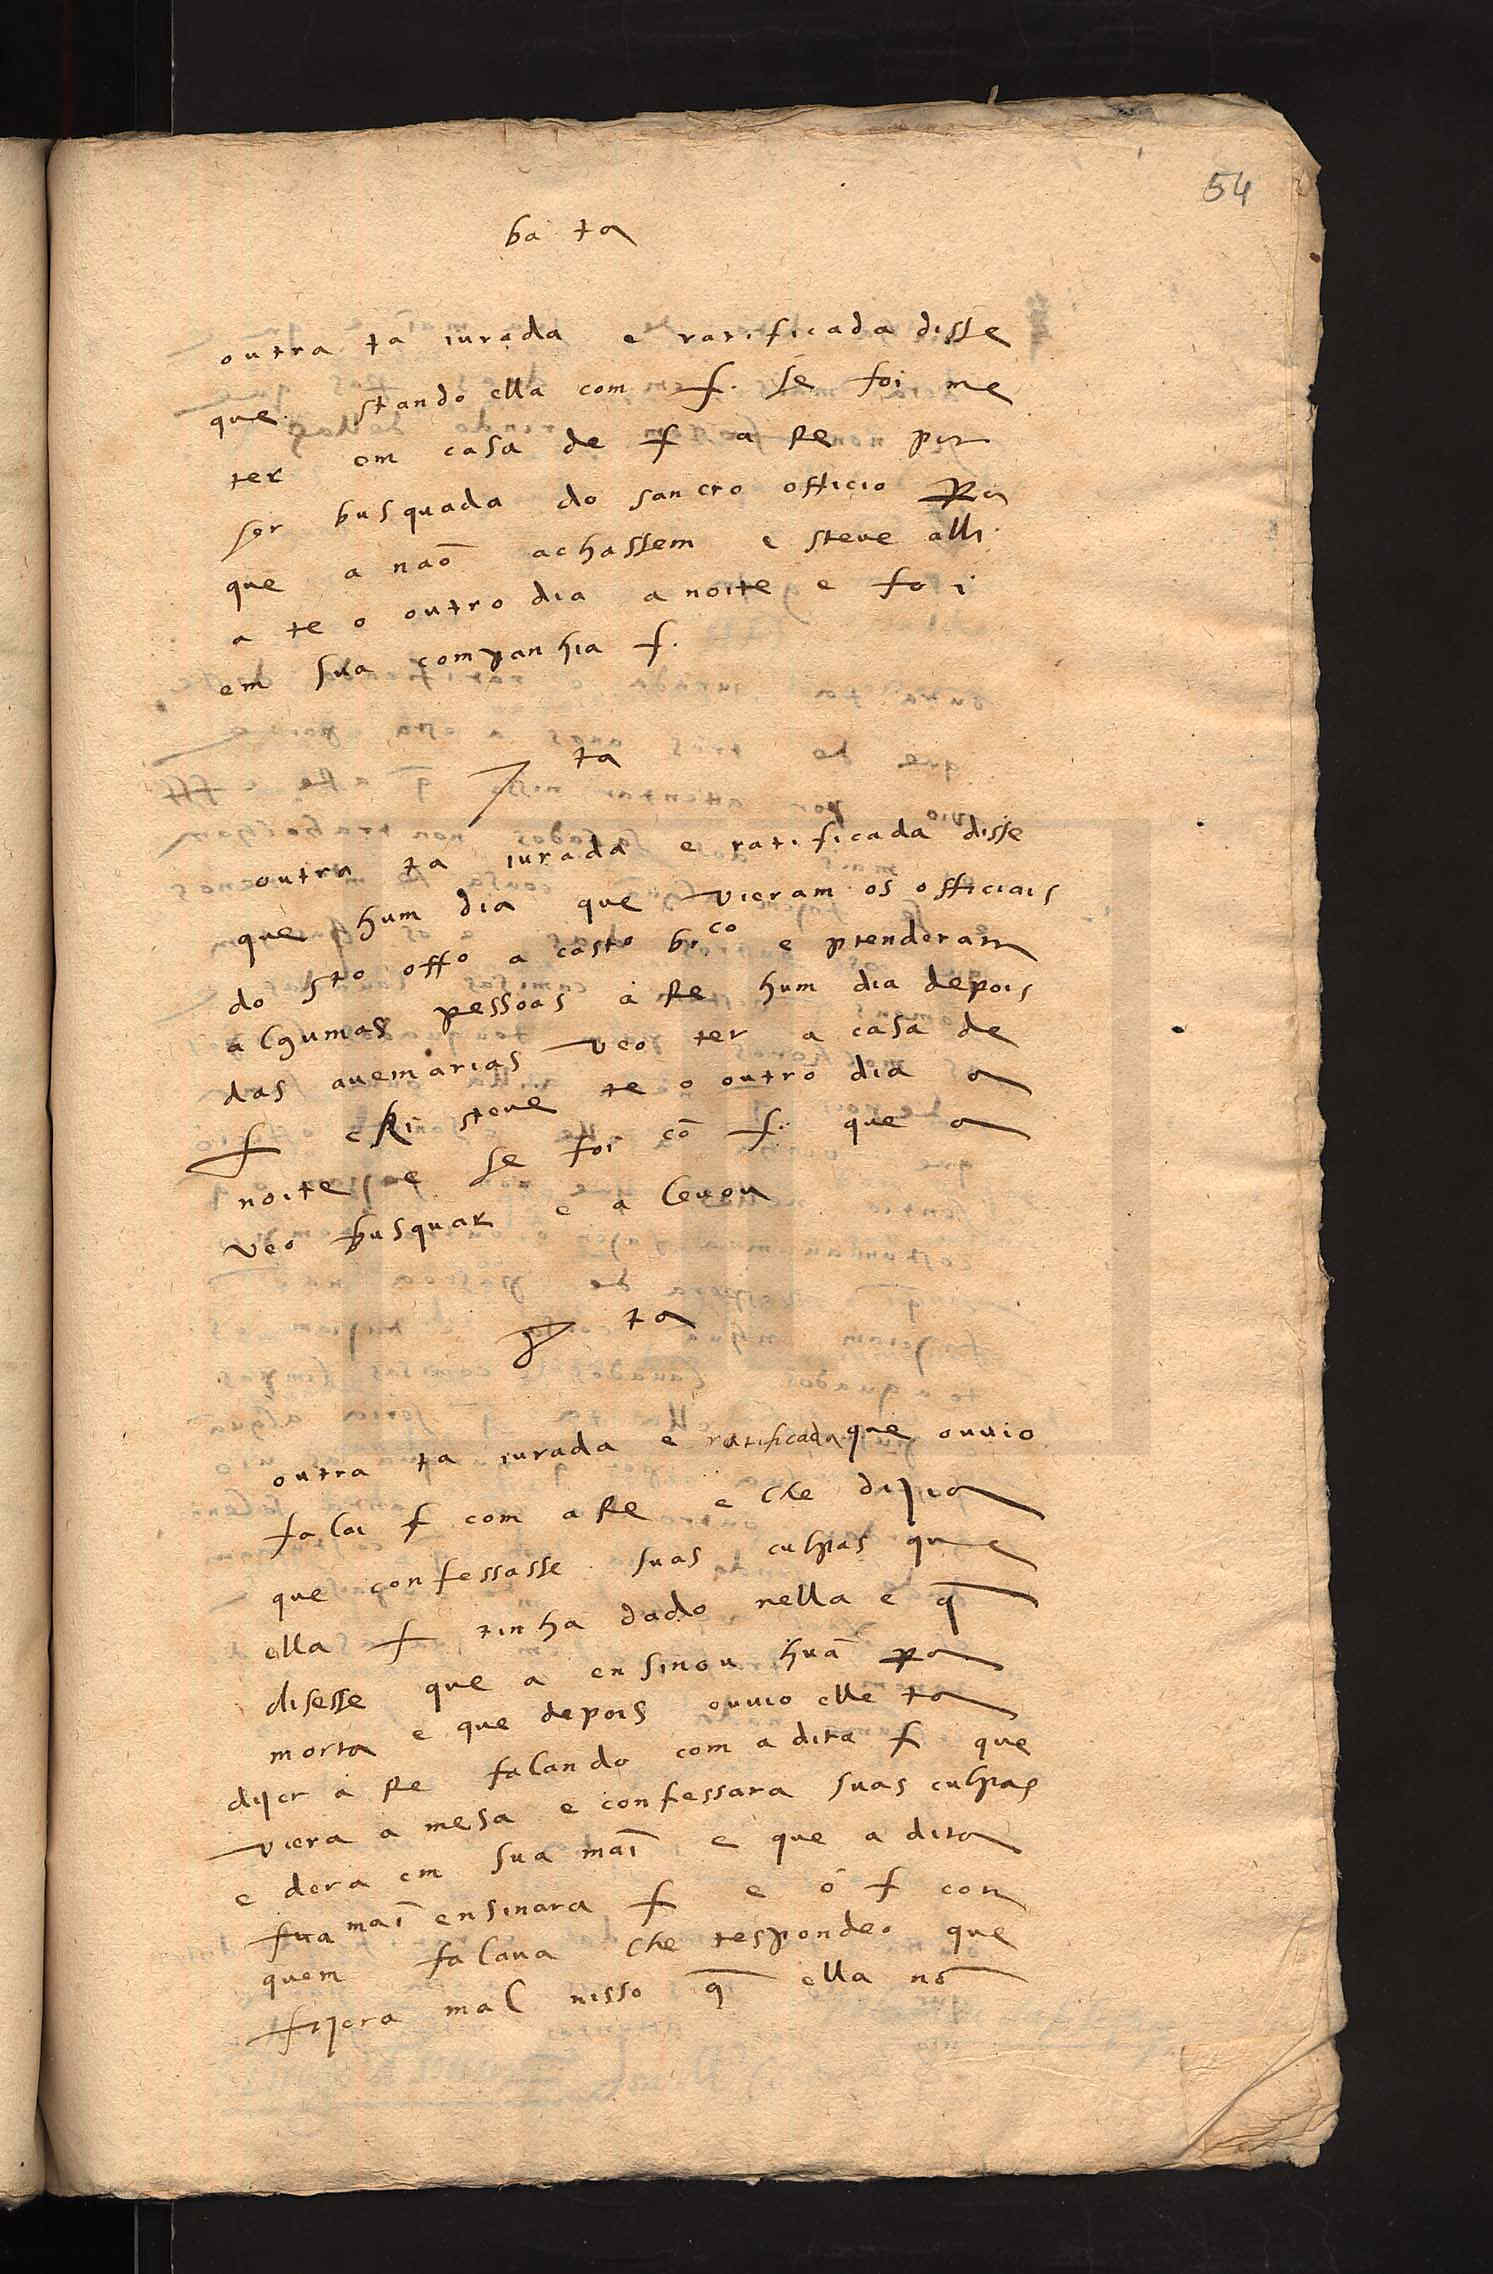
6a ta
outra ta iurada e ratificada disse
que stando ella co f. se foi me
ter em casa de f a Re por
ser busquada do sancto offiçio ꝑa
que a naõ achassem esteue alli
ate o outro dia a noite e foi
em sua companhia f.
7 ta
outra ta iurada e ratificada disse
que hum dia que vieram os officiais
do sto offo a casto brco e prenderam
algumas pessoas ate hum dia depois
das aue marias veo ter a casa de
f e Re steue te o outro dia a
noite e se foi co̅ f. que a
veo busquar e a leuou
8ta
outra ta iurada e ratificada que ouuio
falar f com a Re e lhe dizia
que confessasse suas culpas que
ella f tinha dado nella e q̅
disesse que a ensinou hua̅ ꝑa
morta e que depois ouuio elle ta
dizer a Re falando com a dita f que
viera a mesa e confessara suas culpas
e dera em sua maī e que a dita
sua maī ensinara f e o f com
quem falaua lhe respondeo que
fizera mal nisso q̅ ella no̅
